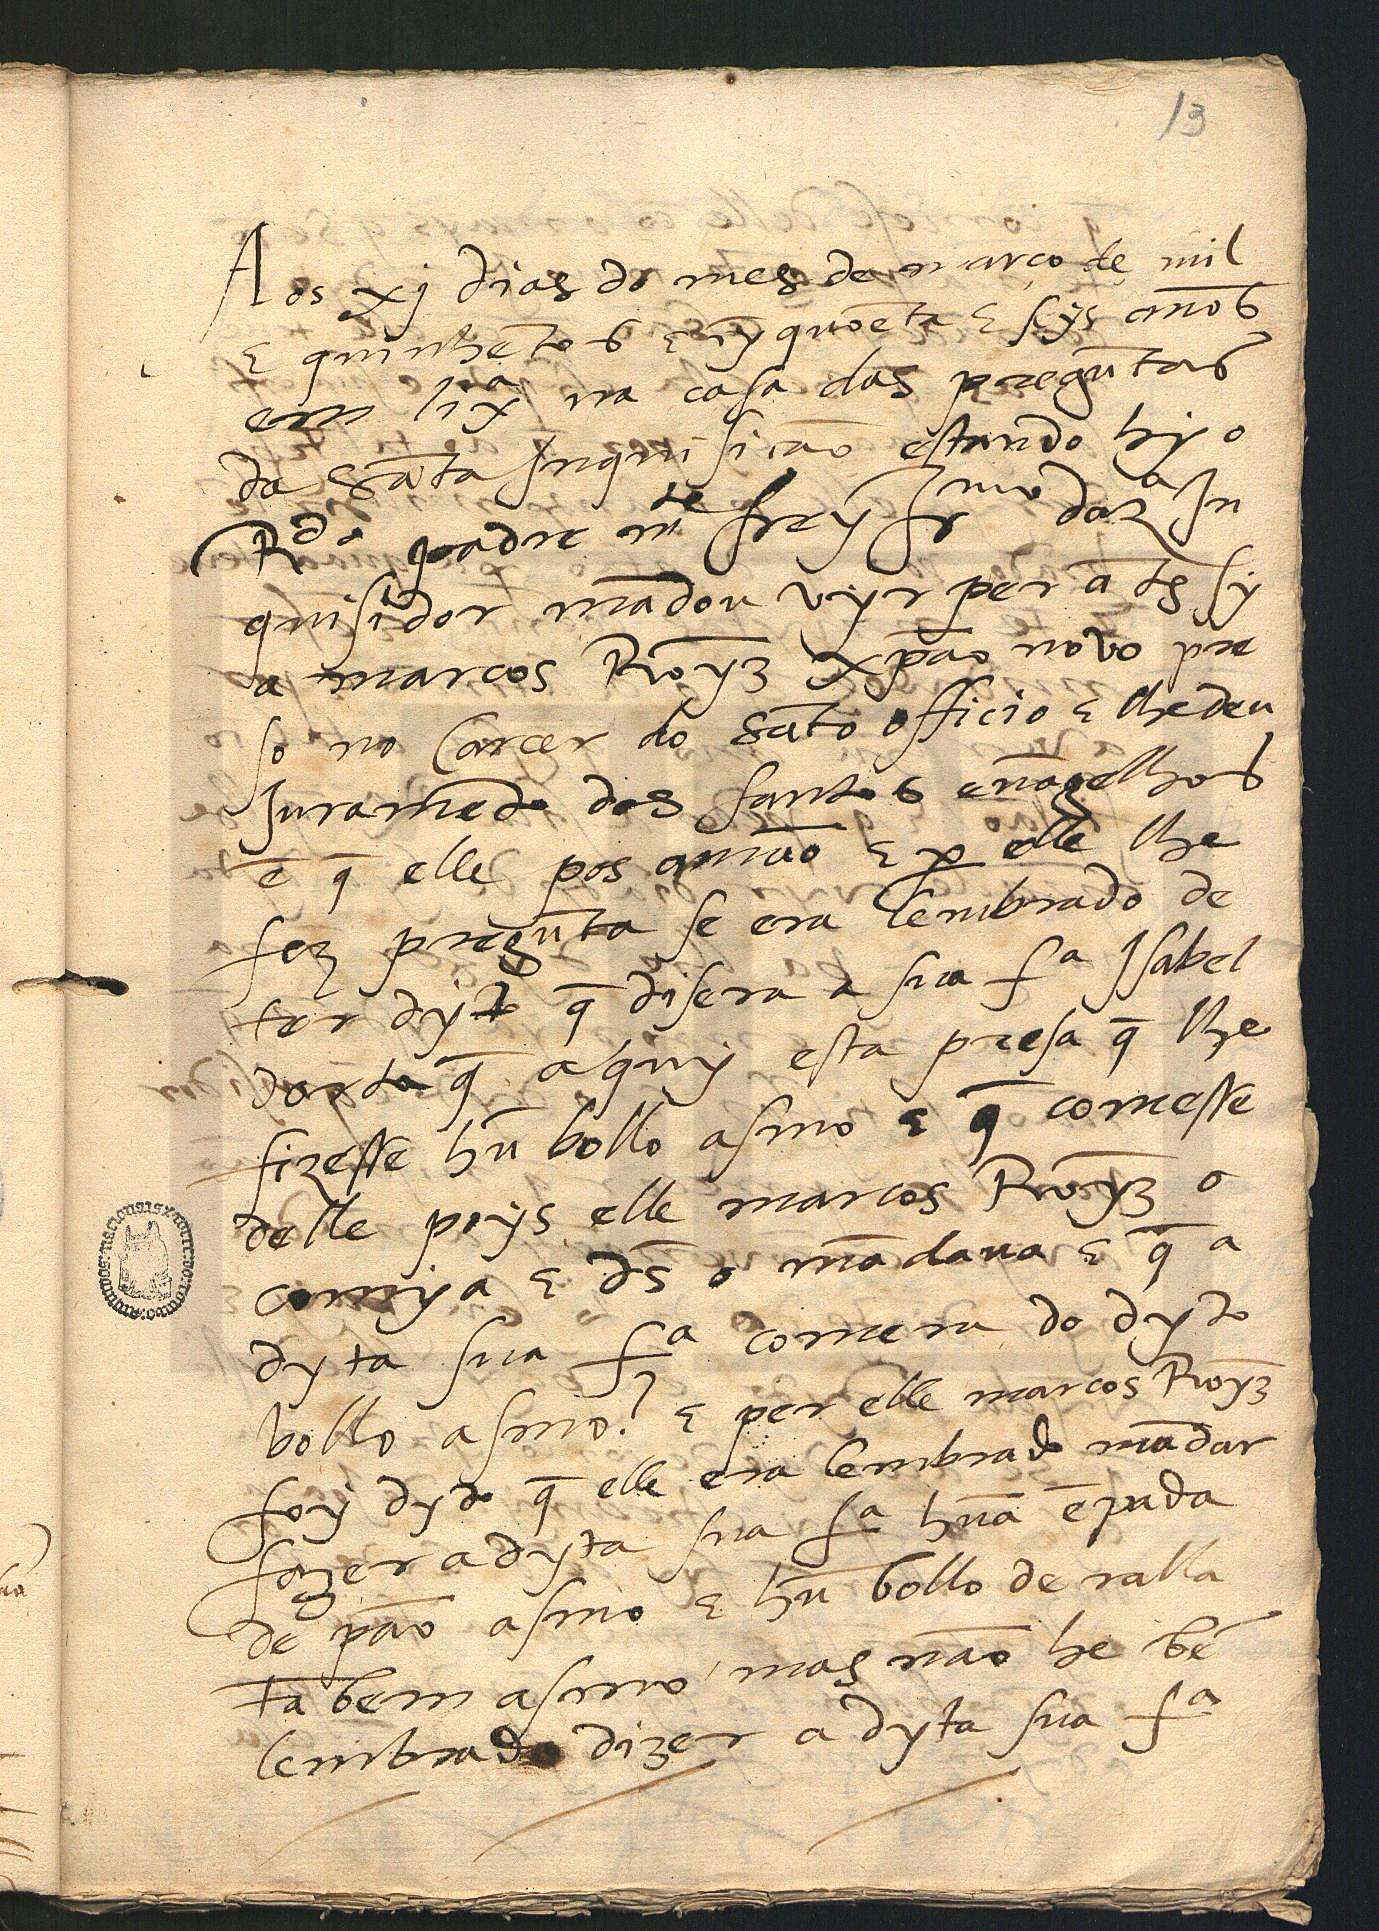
Aos xj dias do mes de março de mil
E quinhētos E cȳquōeta E seys an̄os
em lixa na casa das pregūtas
da Sāta Jnquisicão estando hy o
Rdo padre mte frey Jrmo daza Jn
quisidor mādou vyr ꝑerātꝭ sy
a marcos Rōyz xpão novo pre
so no Carcer do Sāto officio E lhe deu
Juramēto dos santos euāgelhos
ē q̄ elle pos a mão E ꝑ elle lhe
fes pregūta se era lembrado de
ter dyto q̄ disera a sua fa Jsabel
dorta q̄ aquy esta presa q̄ lhe
fizesse hū bollo asmo e q̄ comesse
delle poys elle marcos Rōyz o
comya E ds̄ o mādaua E q̄ a
dyta sua fa comera do dyto
bollo asmo? E per elle marcos Rōyz
foy dyto q̄ elle era lembrado mādar
fazer a dyta sua fa hūa ēpada
de pão asmo E hū bollo de ralla
tābem asmo mas não he bē
lembrado dizer a dyta sua fa
